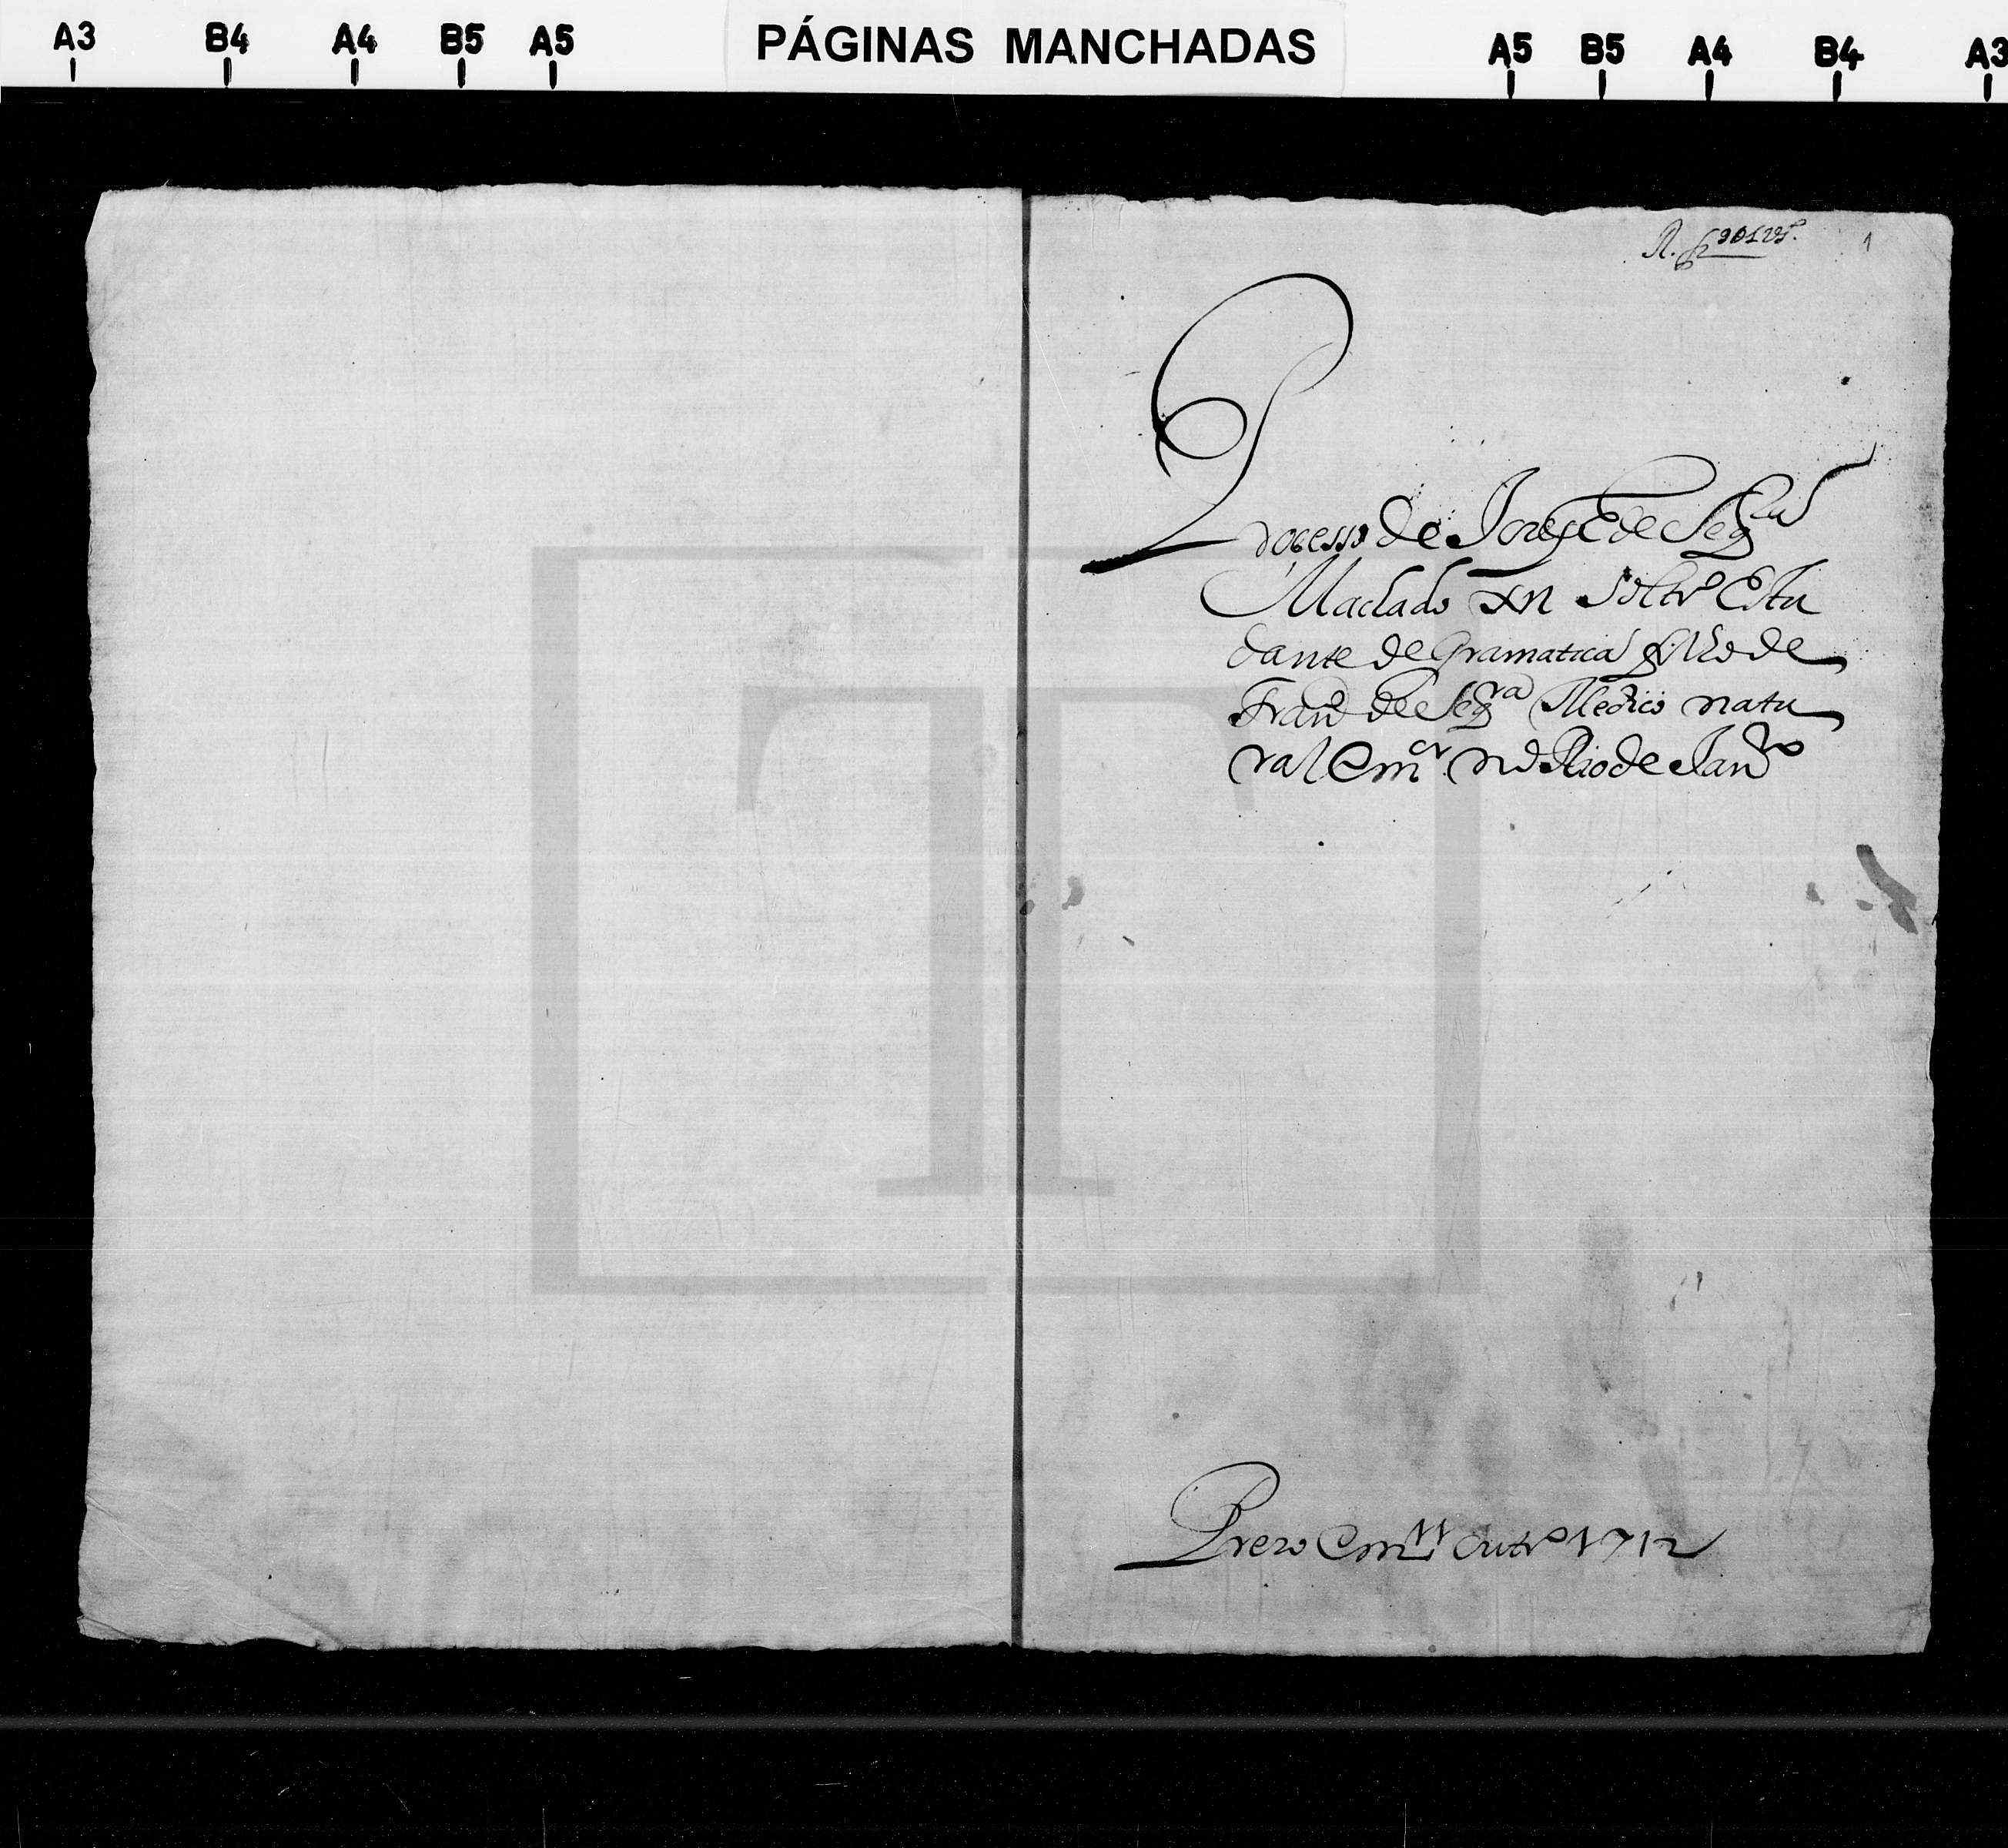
R. fL 901 vs.o
Processo de Jozeph de Seqra
Machado xn soltro Estu
dante de Gramatica filho de
Franco de Seqra Medico natu
ral e mor. no Rio de Ianro
Prezo em 11 outro 1712
